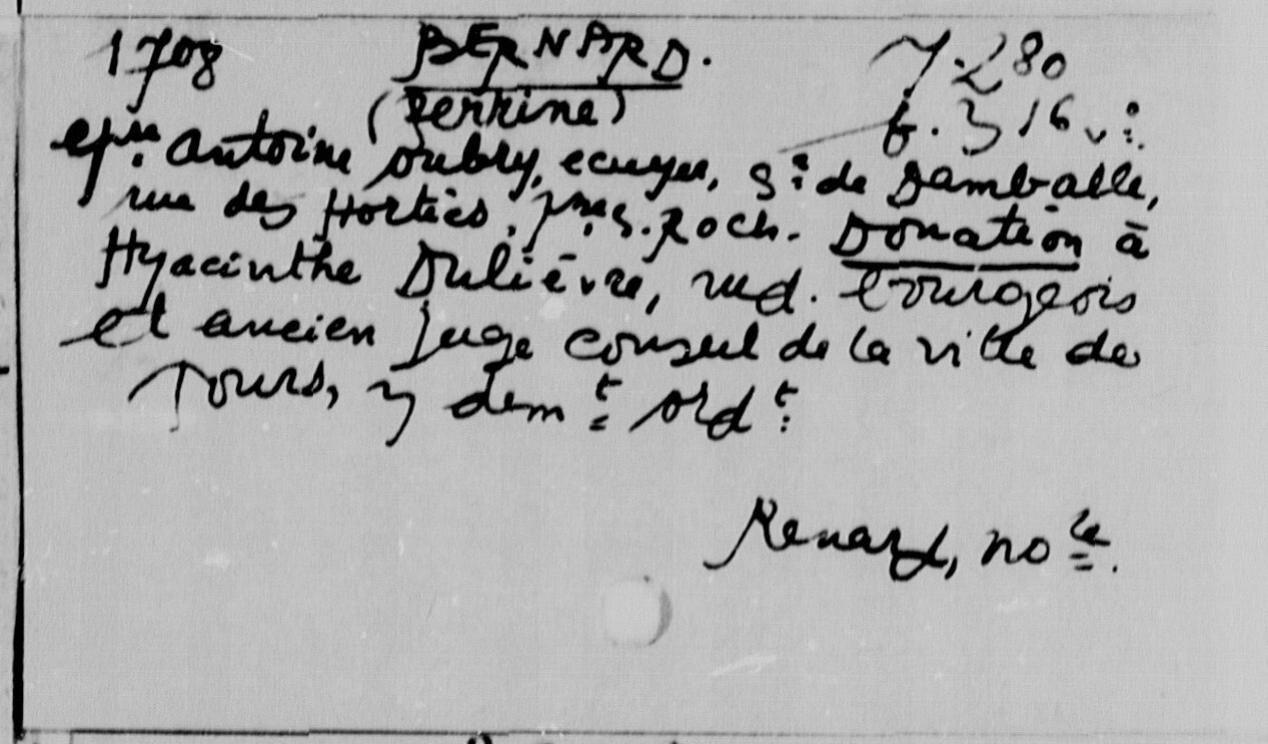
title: BERNARD (Perrine)
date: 1708
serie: Y
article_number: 280
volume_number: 316v
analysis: Épouse Antoine Oubry, écuyer, sieur de Damballe, rue des Horties, paroisse Saint-Roch. Donation à Hyacinthe Dulièvre, marchand bourgeois et ancien juge consul de la ville de Tours, y demeurant ordinairement. Renard, notaire
